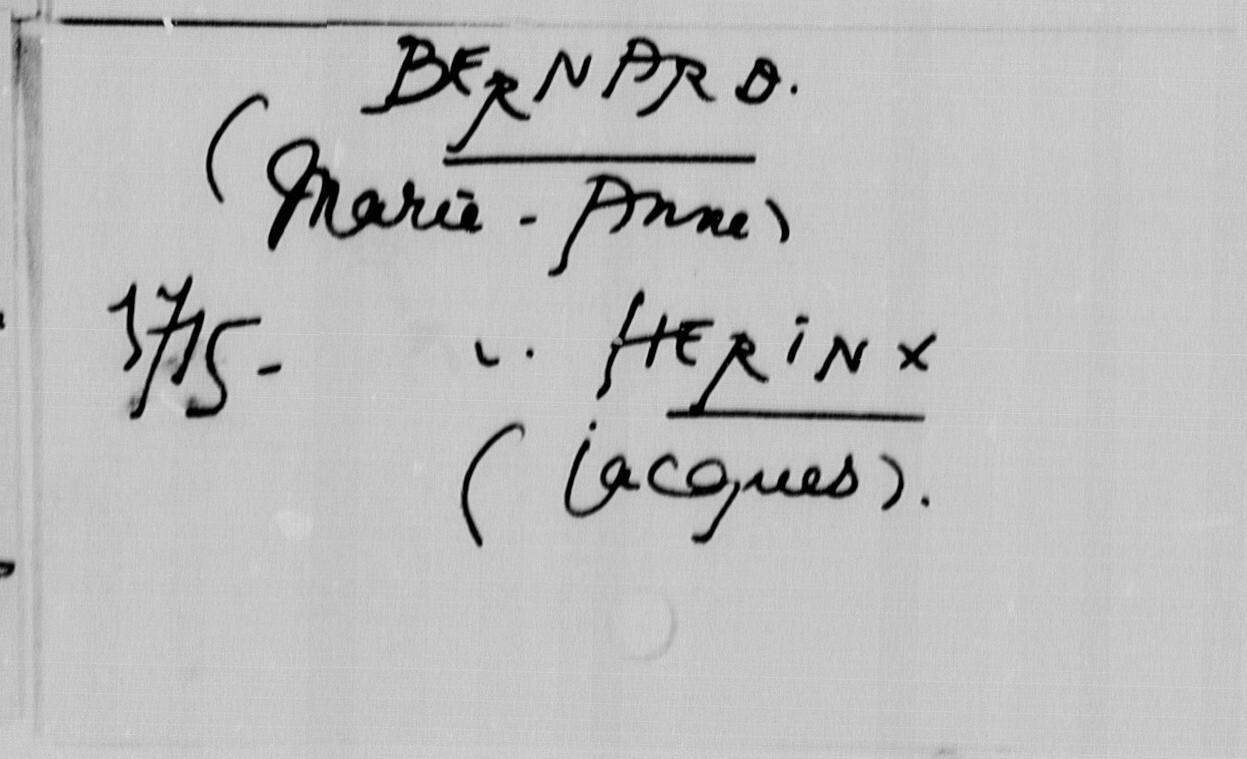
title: BERNARD (Marie-Anne)
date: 1715
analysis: Voir HERINX (Jacques)
